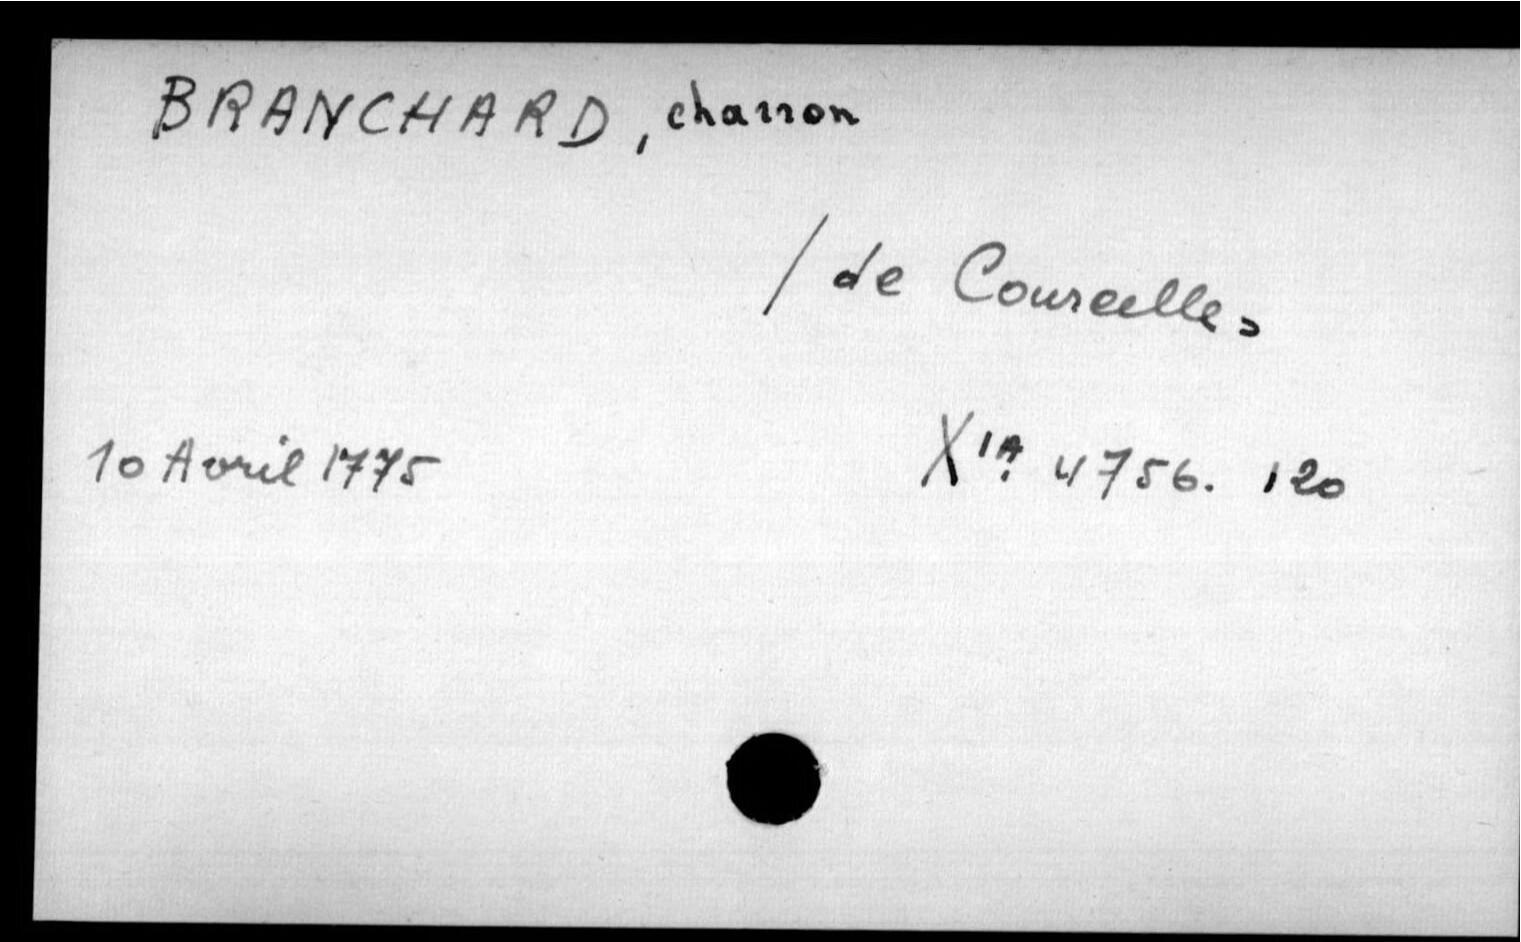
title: BRANCHARD, charron
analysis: Contre Le Courcelles
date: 10 avril 1775
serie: X1A
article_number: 4756
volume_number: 120
